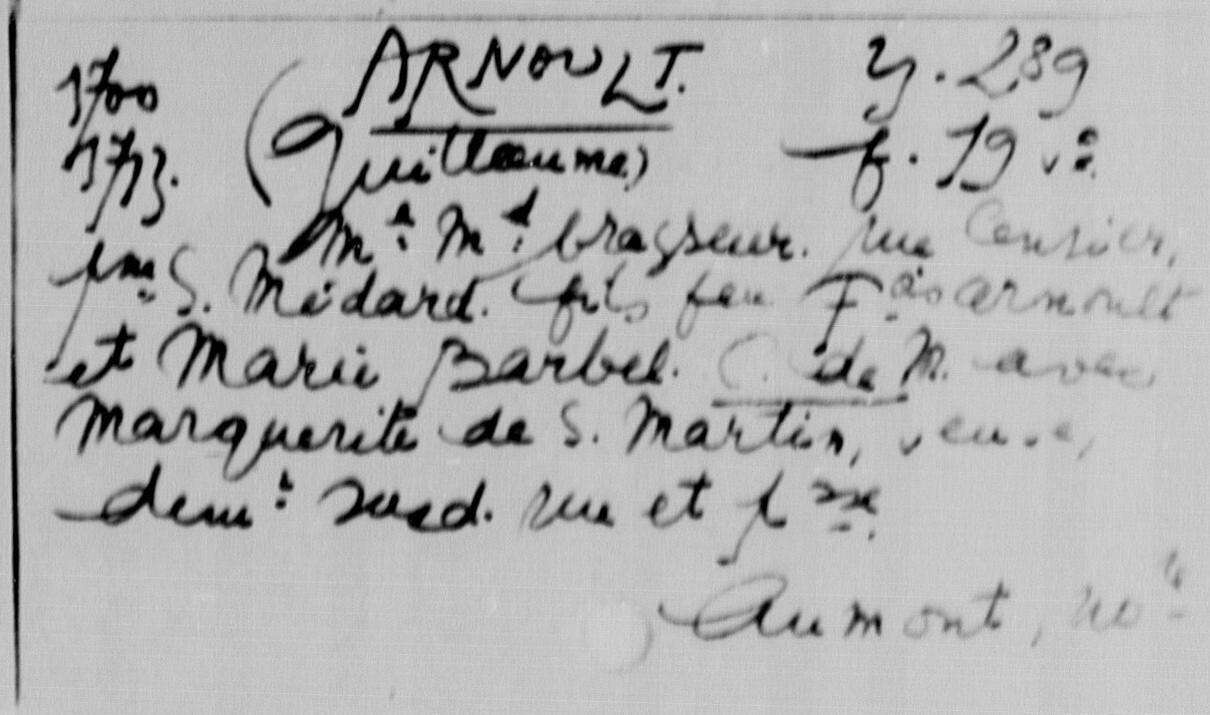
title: ARNOULT (Guillaume)
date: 1700-1713
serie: Y
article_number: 289
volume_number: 19v
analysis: Maître marchand brasseur, rue Censier, paroisse Saint-Médard. Fils feu François ARNOULT et Marie BARBEL. Contrat de mariage avec Marguerite de SAINT-MARTIN, veuve, demeurant susdite rue et paroisse. Aumont, notaire.
